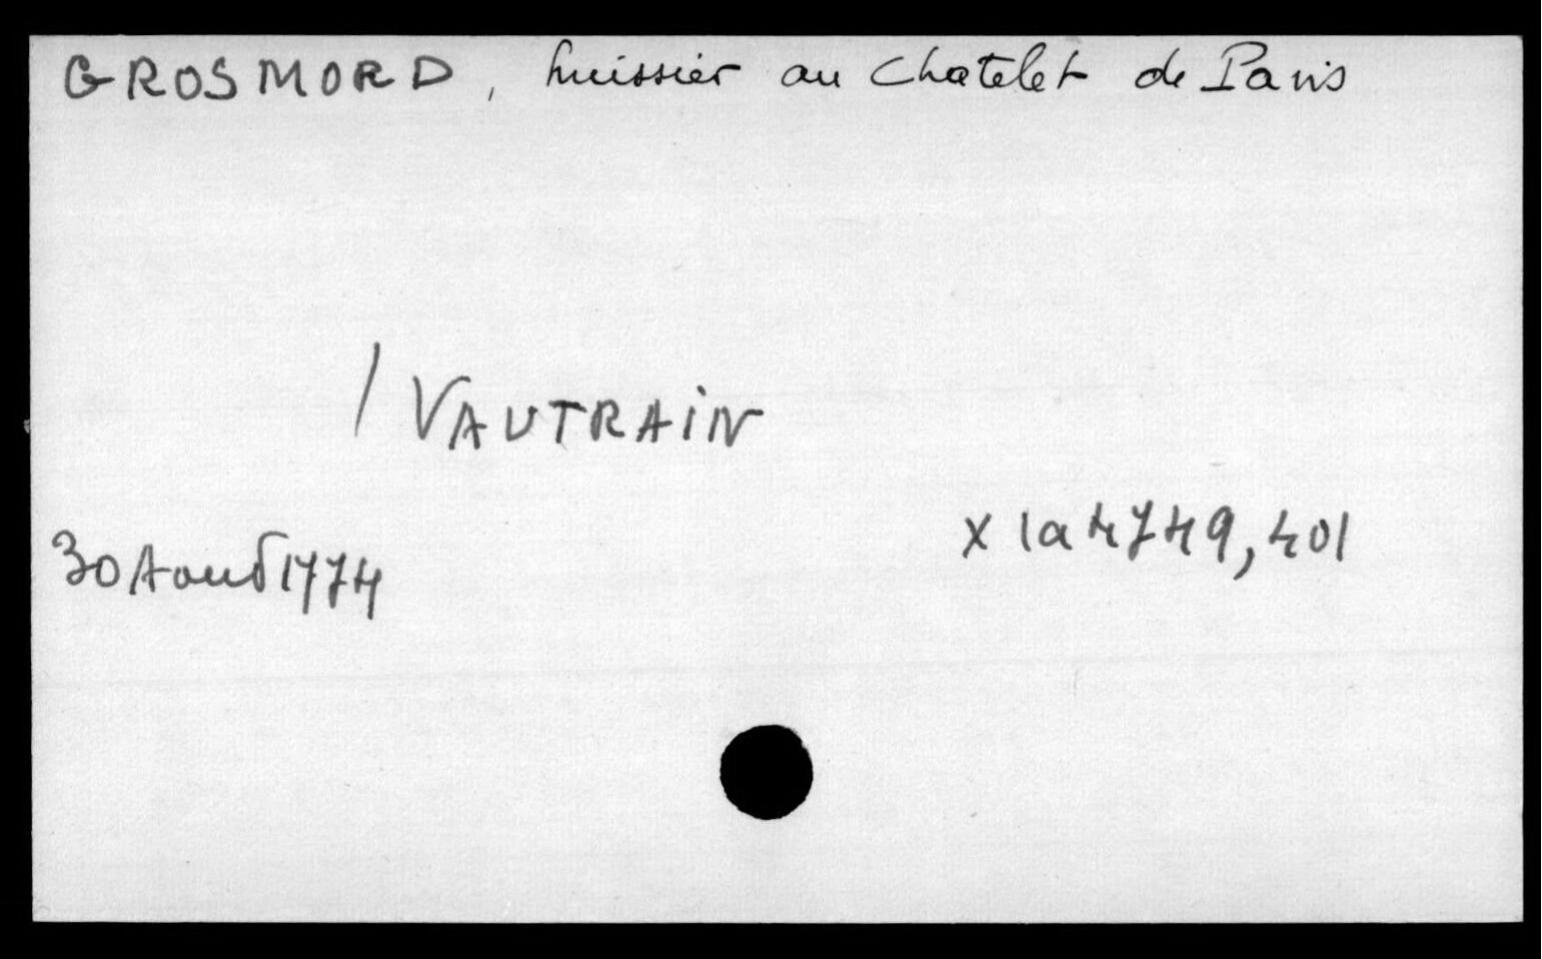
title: GROSMORD, huissier au Châtelet de Paris
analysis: Contre VAUTRAIN
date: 30 août 1774
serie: X1a
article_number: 4749
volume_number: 401
